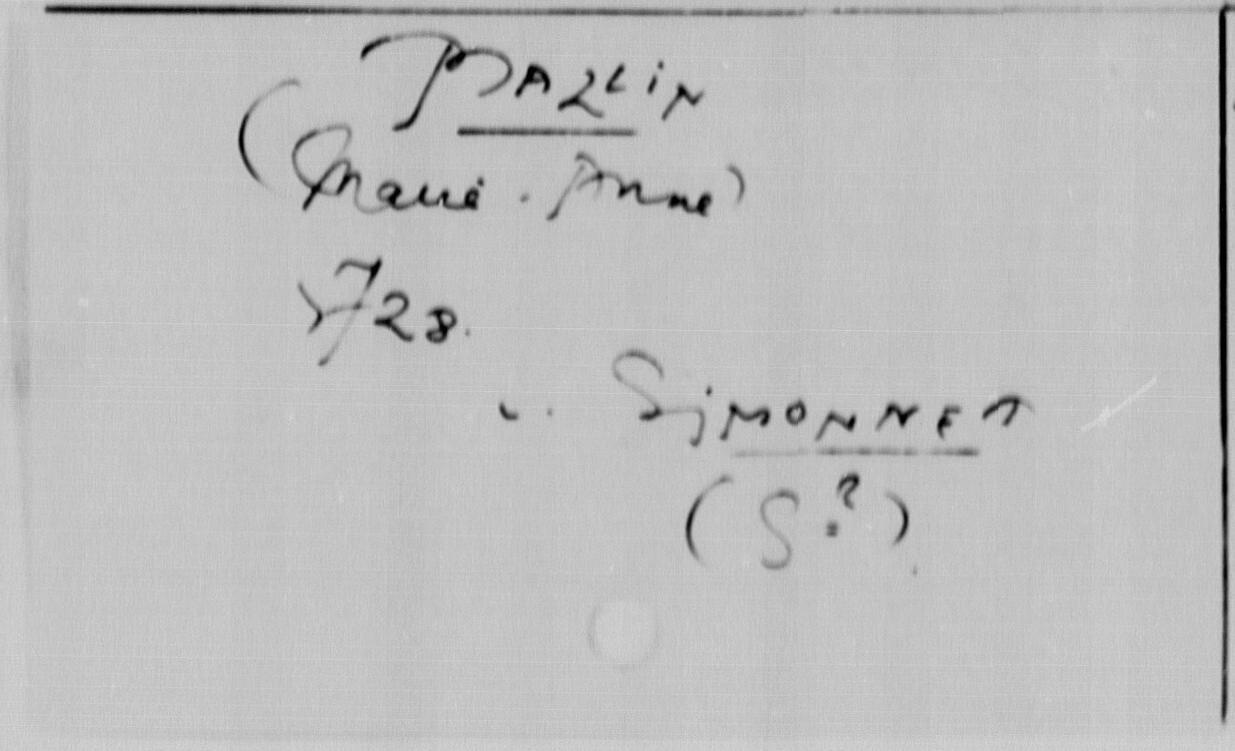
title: BALLIN (Marie-Anne)
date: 1728
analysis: Voir SIMONNET (Sieur)
